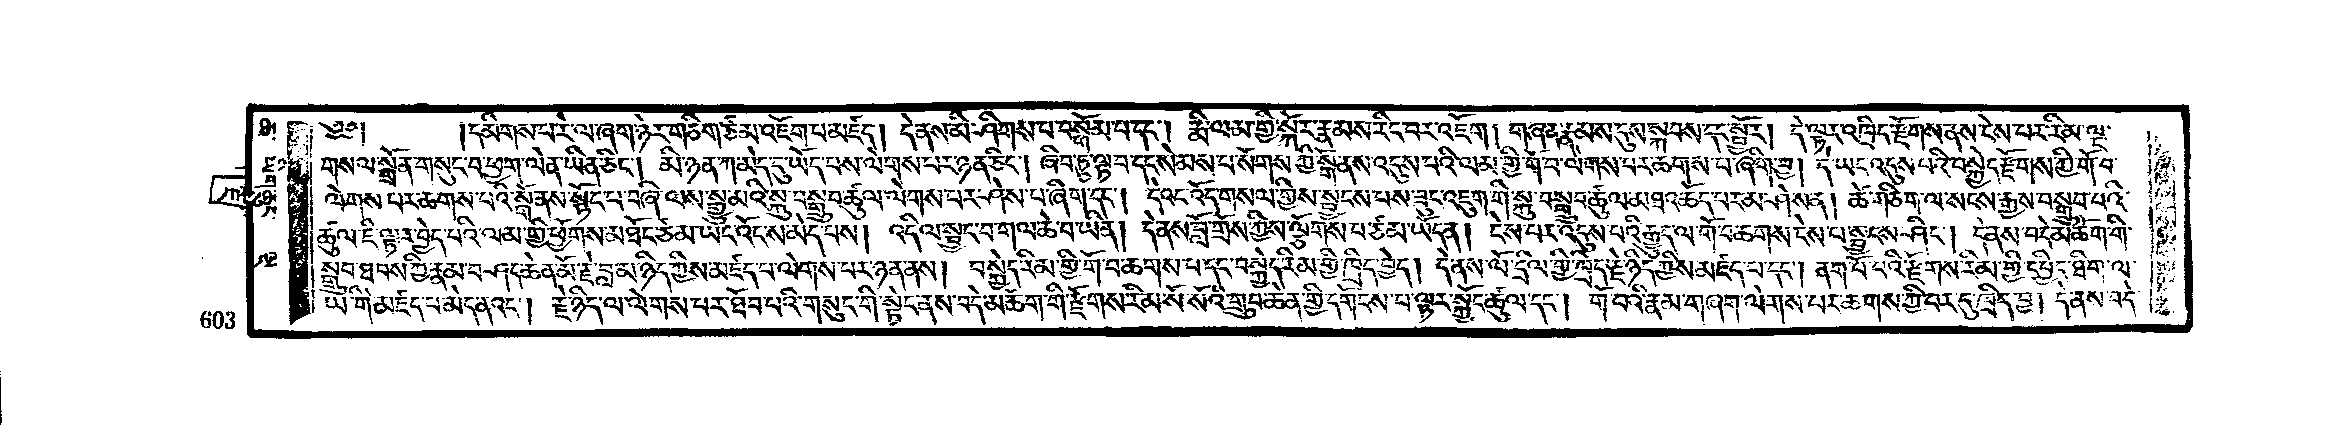༄༅། །དམིགས་པ་རེ་ལ་ཞག་ཉེར་གཅིག་ཙམ་འཇོག་པ་མཛད། དེ་ནས་མི་ཤིགས་པ་བསྒོམ་པ་དང་། རྨི་ལམ་གྱི་སྐོར་རྣམས་རིང་བར་འཇོག །གཞན་རྣམས་དུས་སྐབས་དང་སྦྱོར། དེ་ལྟར་འཁྲིད་རྫོགས་ནས་ངེས་པར་རིམ་ལྔ་
གསལ་སྒྲོན་གསུང་བ་ཕྱག་ལེན་ཡིན་ཅིང་། མི་ཉན་ཀ་མེད་དུ་ཡོད་པས་ལེགས་པར་ཉན་ཅིང་། ཞིབ་ཏུ་ལྟ་བ་དང་སེམས་པ་སོགས་ཀྱི་སྒོ་ནས་འདུས་པའི་ལམ་གྱི་གོ་བ་ལེགས་པར་ཆགས་པ་ཞིག་བྱ། དེ་ཡང་འདུས་པའི་བསྐྱེད་རྫོགས་ཀྱི་གོ་བ་
ལེགས་པར་ཆགས་པའི་སྒོ་ནས་སྟོང་པ་བཞི་ལས་སྒྱུ་མའི་སྐུ་བསྒྲུབ་ཚུལ་ལེགས་པར་ཤེས་པ་ཞིག་དང་། དེའང་འོད་གསལ་གྱིས་སྦྱངས་པས་ཟུང་འཇུག་གི་སྐུ་བསྒྲུབ་ཚུལ་མཐའ་ཆོད་པར་མ་ཤེས་ན། ཚེ་གཅིག་ལ་སངས་རྒྱས་བསྒྲུབ་པའི་
ཚུལ་ཇི་ལྟར་བྱེད་པའི་ལམ་གྱི་ཕྱོགས་མཐོང་ཙམ་ཡང་འོང་ས་མེད་པས། འདི་ལ་སྦྱང་བ་གལ་ཆེ་བ་ཡིན། དེ་ནས་བློ་གྲོས་ཀྱིས་ལྕོགས་པ་ཙམ་ཡོད་ན། ངེས་པར་འདུས་པའི་རྒྱུད་ལ་གོ་བ་ཆགས་ངེས་པ་སྦྱངས་ཤིང་། དེ་ནས་བདེ་མཆོག་གི་
སྒྲུབ་ཐབས་ཀྱི་རྣམ་བཤད་ཆེན་མོ་རྗེ་བླ་མ་ཉིད་ཀྱིས་མཛད་པ་ལེགས་པར་ཉན་ནས། བསྐྱེད་རིམ་གྱི་གོ་བ་ཆགས་པ་དང་བསྐྱེད་རིམ་གྱི་ཁྲིད་བྱེད། དེ་ནས་ལོ་དྲིལ་གྱི་ཁྲིད་རྗེ་ཉིད་ཀྱིས་མཛད་པ་དང་། ནག་པོ་པའི་རྫོགས་རིམ་གྱི་དཔྱིད་ཐིག་ལ་
ཡི་གེ་མཛད་པ་མེད་ནའང་། རྗེ་ཉིད་ལ་ལེགས་པར་ཐོབ་པའི་གསུང་གི་སྟེང་ནས་བདེ་མཆོག་གི་རྫོགས་རིམ་སོ་སོའི་གྲུབ་ཆེན་གྱི་དགོངས་པ་ལྟར་སྐྱོང་ཚུལ་དང་། གོ་བའི་རྣམ་གཞག་ལེགས་པར་ཆགས་ཀྱི་བར་དུ་ཁྲིད་བྱ། དེ་ནས་བདེ་